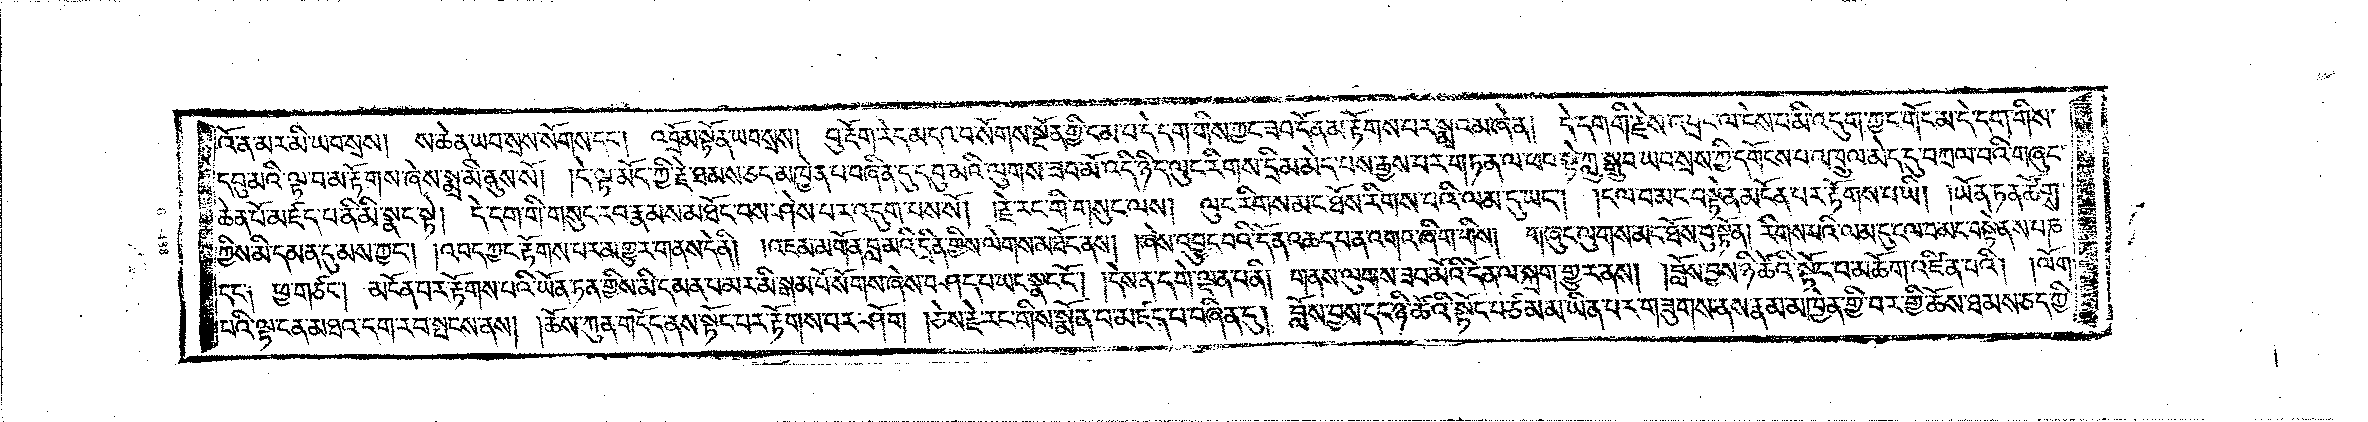འོ་ན་མར་མི་ཡབ་སྲས། ས་ཆེན་ཡབ་སྲས་སོགས་དང་། འབྲོམ་སྟོན་ཡབ་སྲས། བུ་རྡོག་རེད་མདའ་བ་སོགས་སྔོན་གྱི་དམ་པ་དེ་དག་གིས་ཀྱང་ཟབ་དོན་མ་རྟོགས་པར་སྨྲའམ་ཞེ་ན། དེ་དག་གི་རྗེས་འབྲང་ལ་ངེས་པ་མི་འདུག་ཀྱང་གོང་མ་དེ་དག་གིས་
དབུ་མའི་ལྟ་བ་མ་རྟོགས་ཞེས་སྨྲ་མི་ནུས་སོ། །དེ་ལྟ་མོད་ཀྱི་རྗེ་ཐམས་ཅད་མཁྱེན་པ་བཞིན་དུ་དབུ་མའི་ལུགས་ཟབ་མོ་འདི་ཉིད་ལུང་རིགས་དྲི་མ་མེད་པས་རྒྱས་པར་གཏན་ལ་ཕབ་སྟེ་ཀླུ་སྒྲུབ་ཡབ་སྲས་ཀྱི་དགོངས་པ་འཁྲུལ་མེད་དུ་བཀྲལ་བའི་གཞུང་
ཆེན་པོ་མཛད་པ་ནི་མི་སྣང་སྟེ། དེ་དག་གི་གསུང་རབ་རྣམས་མཐོང་བས་ཤེས་པར་འདུག་པས་སོ། །རྗེ་རང་གི་གསུང་ལས། ལུང་རིགས་མང་ཐོས་རིགས་པའི་ལམ་དུ་ཡང་། །དལ་བ་མང་བསྟེན་མངོན་པར་རྟོགས་པ་ཡི། །ཡོན་ཏན་ཚོགས་
ཀྱིས་མི་དམན་དུ་མས་ཀྱང་། །འབད་ཀྱང་རྟོགས་པར་མ་གྱུར་གནས་དེ་ནི། །འཇམ་མགོན་བླ་མའི་དྲིན་གྱིས་ལེགས་མཐོང་ནས། །ཞེས་འབྱུང་བའི་དོན་འཆད་པ་ན་འགའ་ཞིག་གིས། གཞུང་ལུགས་མང་ཐོས་བུ་སྟོན། རིགས་པའི་ལམ་དུ་ངལ་བ་མང་བསྟེན་ས་པཎ་
དང༑ ཕྱ་གཙང་། མངོན་པར་རྟོགས་པའི་ཡོན་ཏན་གྱིས་མི་དམན་པ་མར་མི་སྒམ་པོ་སོགས་ཞེས་བཤད་པ་ཡང་སྣང་ངོ། །དེས་ན་དགེ་ལྡན་པ་ནི། གནས་ལུགས་ཟབ་མོའི་དོན་ལ་སྐྲག་གྱུར་ནས། །བློས་བྱས་ཉི་ཚེའི་སྟོང་པ་མཆོག་འཛིན་པའི། །ལོག་
པའི་ལྟ་ངན་མཐའ་དག་རབ་སྤངས་ནས། །ཆོས་ཀུན་གདོད་ནས་སྟོང་པར་རྟོགས་པར་ཤོག །ཅེས་རྗེ་རང་གིས་སྨོན་བ་མཛད་པ་བཞིན་དུ། བློས་བྱས་དང་ཉི་ཚེའི་སྟོང་པ་ཙམ་མ་ཡིན་པར་གཟུགས་ནས་རྣམ་མཁྱེན་གྱི་བར་གྱི་ཆོས་ཐམས་ཅད་ཀྱི་